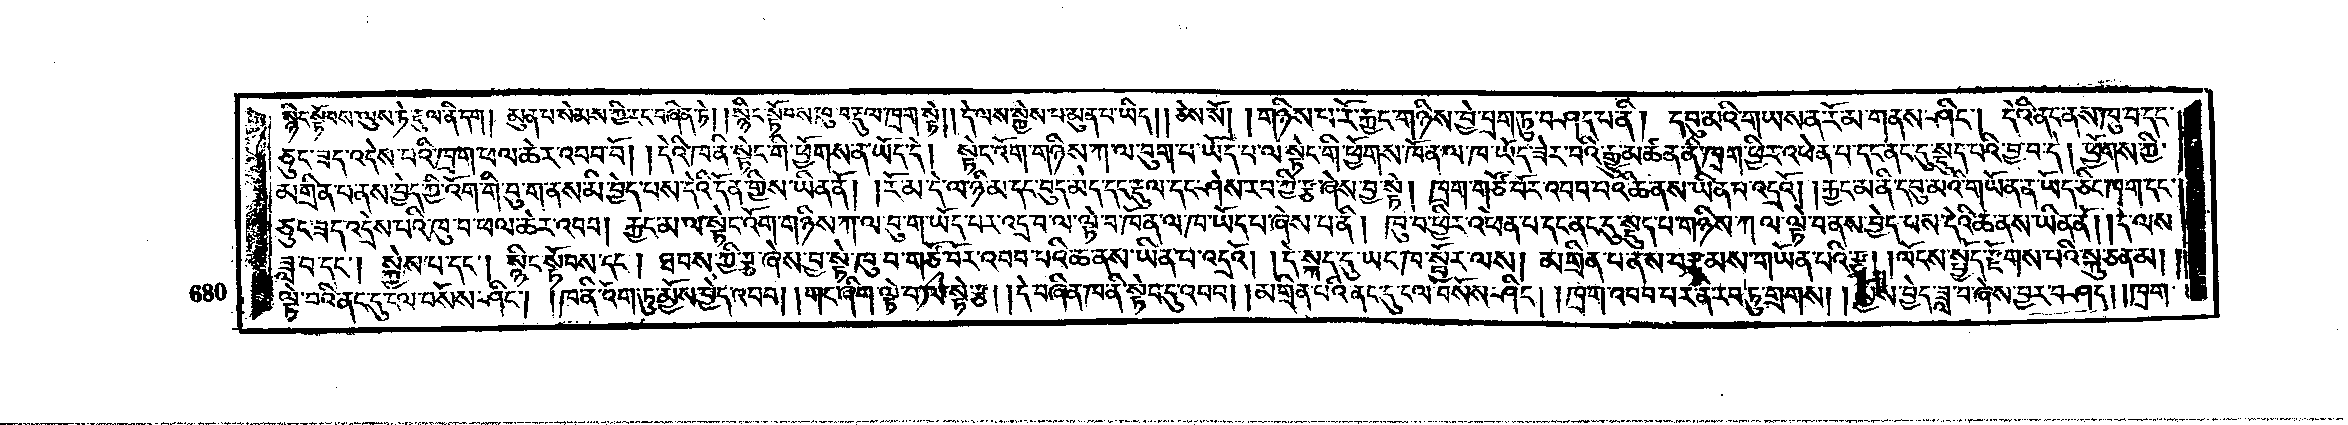སྙིང་སྟོབས་ལུས་ཏེ་རྡུལ་ནི་དག །མུན་པ་སེམས་ཀྱི་རང་བཞིན་ཏེ། །སྙིང་སྟོབས་ཁུ་བ་རྡུལ་ཁྲག་སྟེ། །དེ་ལས་སྐྱེས་པ་མུན་པ་ཡིད། །ཅེས་སོ། །གཉིས་པ་རོ་རྐྱང་གཉིས་བྱེ་བྲག་ཏུ་བཤད་པ་ནི། དབུ་མའི་གཡས་ན་རོ་མ་གནས་ཤིང་། དེའི་ནང་ནས་ཁུ་བ་དང་
ཅུང་ཟད་འདེས་པའི་ཁྲག་ཕལ་ཆེར་འབབ་བོ། །དེའི་ཁ་ནི་སྟེང་གི་ཕྱོགས་ན་ཡོད་དེ། སྟེང་འོག་གཉིས་ཀ་ལ་བུག་པ་ཡོད་པ་ལ་སྟེང་གི་ཕྱོགས་ཁོ་ན་ལ་ཁ་ཡོད་ཟེར་བའི་རྒྱུ་མཚན་ནི་ཁྲག་ཕྱིར་འཕེན་པ་དང་ནང་དུ་སྡུད་པའི་བྱ་བ་དེ། ཕྱོགས་ཀྱི་
མགྲིན་པ་ནས་བྱེད་ཀྱི་འོག་གི་བུ་ག་ནས་མི་བྱེད་པས་དེའི་དོན་གྱིས་ཡིན་ནོ། །རོ་མ་དེ་ལ་ཉི་མ་དང་བུད་མེད་དང་རྡུལ་དང་ཤེས་རབ་ཀྱི་རྩ་ཞེས་བྱ་སྟེ། ཁྲག་གཙོ་བོར་འབབ་པའི་ཆ་ནས་ཡིན་པ་འདྲའོ། །རྐྱང་མ་ནི་དབུ་མའི་གཡོན་ན་ཡོད་ཅིང་ཁྲག་དང་
ཅུང་ཟད་འདྲེས་པའི་ཁུ་བ་ཕལ་ཆེར་འབབ། རྐྱང་མ་ལ་སྟེང་འོག་གཉིས་ཀ་ལ་བུ་ག་ཡོད་པར་འདྲ་བ་ལ་ལྟེ་བ་ཁོ་ན་ལ་ཁ་ཡོད་པ་ཞེས་པ་ནི། ཁུ་བ་ཕྱིར་འཕེན་པ་དང་ནང་དུ་སྡུད་པ་གཉིས་ཀ་ལ་ལྟེ་བ་ནས་བྱེད་པས་དེའི་ཆ་ནས་ཡིན་ནོ། །དེ་ལས་
ཟླ་བ་དང་། སྐྱེས་པ་དང་། སྙིང་སྟོབས་དང་། ཐབས་ཀྱི་རྩ་ཞེས་བྱ་སྟེ་ཁུ་བ་གཙོ་བོར་འབབ་པའི་ཆ་ནས་ཡིན་པ་འདྲའོ། །དེ་སྐད་དུ་ཡང་ཁ་སྦྱོར་ལས། མགྲིན་པ་ནས་བརྩམས་གཡོན་པའི་རྩ། །ལོངས་སྤྱོད་རྫོགས་པའི་སྐུ་ཅན་མ། །
ལྟེ་བའི་ནང་དུ་ངལ་བསོས་ཤིང་། །ཁ་ནི་འོག་ཏུ་མྱོས་བྱེད་འབབ། །གང་ཞིག་ལྟེ་བ་ལ་སྟེ་རྩ། །དེ་བཞིན་ཁ་ནི་སྟེང་དུ་འབབ། །མགྲིན་པའི་ནང་དུ་ངལ་བསོས་ཤིང་། །ཁྲག་འབབ་པར་ནི་རབ་ཏུ་གྲགས། །མྱོས་བྱེད་ཟླ་བ་ཞེས་བྱར་བཤད། །ཁྲག་